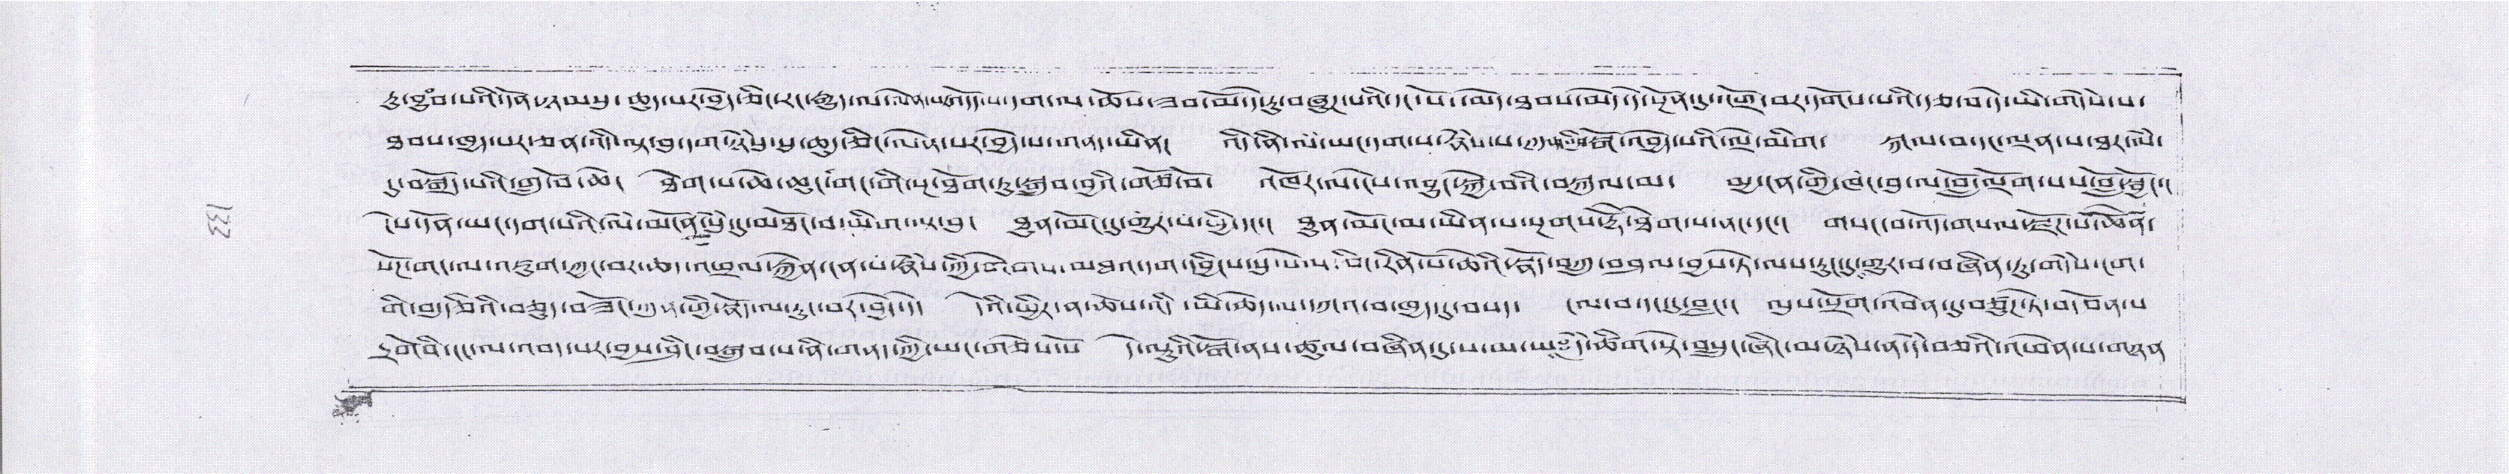ཏུ་བྱང་ཆུབ་པའི་དོན་ཉམས་སུ་ཆུད་པར་བྱེད་ཅིང་རང་རྒྱུད་ལ་ལེན་པར་འདོད་པ་དག་ལ་ཆོས་ཟབ་མོ་དེ་རུ་བཞུགས་པའི་དང་པོ་མེད་ཐབས་མེད་དེ་སྔོན་དུ་འགྲོ་བའི་རྩ་བ་དེ་ཡི་གདམས་པ་
ཐབས་ཁྱད་པར་ཅན་འདི་ལྟ་བུ་དག་ཉམས་སུ་ཆུད་ཅིང་ལེན་པར་བྱེད་པ་གནད་ཡིན། འདི་ནི་ལམ་ཡང་དག་པ་རྣམ་པ་ཀུན་གྱི་སྒོ་འབྱེད་པའི་ལྡེ་མིག སྐལ་པ་དང་ལྡན་པ་ཐར་ལམ་
དུ་བགྲོད་པའི་གྲུ་བོ་ཆེ། ཐེག་པ་ཆེ་ཆུང་གང་གི་སྔ་ཐོག་ཏུ་བསྒྲུབ་བྱའི་གཙོ་བོ། འཁོར་བ་ལ་ངེས་འབྱུང་སྐྱེ་བའི་བསྐུལ་མ། མྱ་ངན་གྱི་ཁང་བུ་ལ་བློ་ལྡོག་པས་བློ་སྦྱོང་། 
ངེས་དོན་ཡང་དག་པའི་ལམ་མངོན་སུམ་དུ་མཐོང་བ་མིག་ལྟ་བུ། ཐུན་མོང་དུ་གྱུར་པ་ཕྱི་དང་། ཐུན་མོང་མ་ཡིན་པ་སྔགས་རྡོ་རྗེ་ཐེག་པ་ནང་དང་། གསང་བ་འོད་གསལ་རྫོགས་པ་ཆེན་
པོ་སོགས་གང་ལ་འཇུག་ཀྱང་བར་ཆད་འཕྲལ་རྐྱེན་ངན་པ་རྣམས་ཀྱི་གེགས་མཐའ་དག་དབྱིངས་སུ་སེལ་ཅིང་རིན་པོ་ཆེའི་སྣོད་བཀྲུ་བཤལ་བྱས་ཏེ་ལས་རུང་དུ་གྱུར་པ་བཞིན་དུ་གདམས་ངག་
གི་བདུད་རྩིའི་བཅུད་བཟང་པོ་ཀུན་གྱི་སྣོད་ལ་རུང་བར་བྱེད་དེ། དེའི་ཕྱིར་ན་ཆོས་འདི་ཡི་ཆེད་ལ་དཀའ་བ་ཁྱད་དུ་བསད། ངལ་བ་དང་དུ་བླང་། ལུས་སྲོག་འབེན་དུ་བཙུགས་ཏེ་བརྩོན་པ་
དྲག་པོའི་ངང་ལ་འབད་པར་བྱས་ཤིང་བསྒྲུབ་པ་ནི་གནད་ཀྱི་ཡང་གཅེས་སོ། དེ་ལྟ་བུའི་སྒོ་ནས་ཚུལ་བཞིན་དུ་ས་མ་ཡཿདམ་ཚིག་སྟེ་བསྲུང་ཞིང་མ་ཉམས་ན་དམ་བཅའི་འཕེན་པ་གཉན་